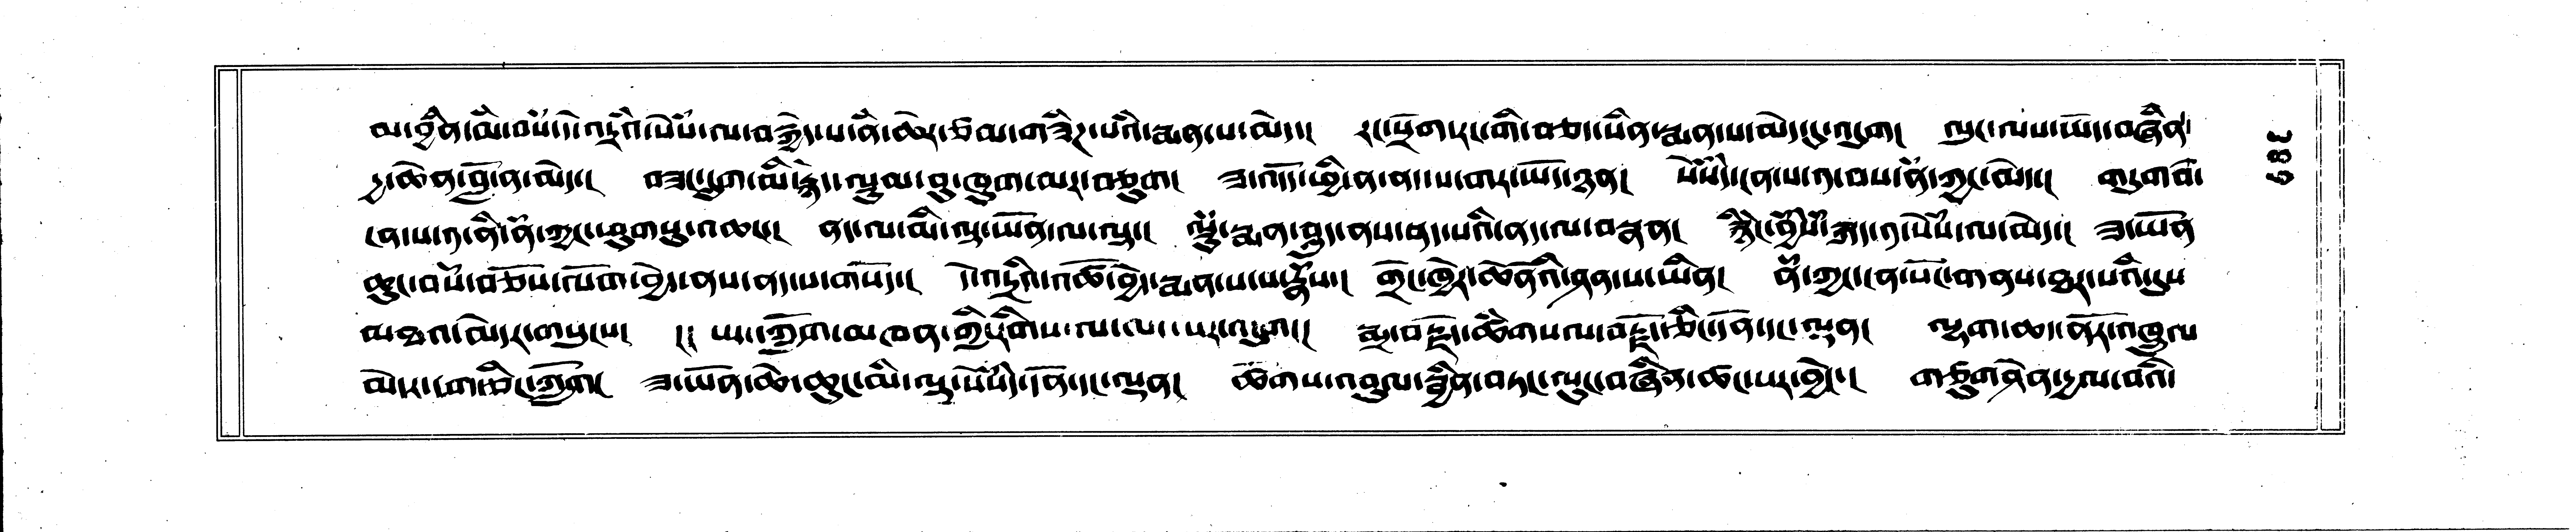མ་བྱིན་མི་བསམ་དེ་འདྲའི་སེམས་བསྐྱེད་དང་ལྡན་པའི་སྨན་པ་ཆེར་ཙམ་གཟིགས་ཟིན་མེད།། རང་སྲོག་རང་གིས་བཅད་པའི་སྨན་པ་མང་པར་འདུག།། ལུང་ན་ཡོད་བཞིན་
རྒྱ་ཆེན་བློ་ན་མེད། བཟང་དྲུག་མི་རྙེད་སྔོ་ལྡུམ་ཁུག་མ་ཁུར། ཟ་འདོད་ཕྱིར་ན་ནད་པ་གར་ཡོད་ཉན། སེམས་ངན་པ་བེས་ནམ་ཀྱང་མེད། གདུགས་བ་
ངན་པ་ནམ་ཀྱང་༼རྒྱུད་ལ་འཆང་། ནད་ལ་མི་ལྟ་ཡོན་ལ་ལྟ། ལྡུམ་སྨན་བླུད་ནས་ནད་པའི་ནད་ལ་བསྣན། སྙིང་རྗེ་བྱམས་སྐད་ཅིག་ཡིད་ལས་མེད། ཟ་ཡོན་
ཆུང་བསམ་བཅོས་ལོག་བྱེད་ནས་ནད་པ་བསད། དེ་འདྲའི་འཚོ་བྱེད་སྨན་པ་རྣམས། གྲོང་ཁྱེར་ཆེན་པོའི་བཤའ་གླ་བ་དང་འདྲ། ནམ་ཀྱང་ངན་སོང་གི་གནས་ནས་ཐར་བའི་དུས་
མེད་གསུངས་སོ། ཡང་ཀློག་མཁན་གྱིས་རིགས་ལ་མང་བར་འདུག། སྨྲ་བརྗོད་ཚིག་གསལ་ཅིང་དོན་དང་ལྡན། ཆད་ལྷག་ནོར་འཁྲུལ་
མེད་པར་དག་ཅིང་ཀློག ཟ་ཡོན་ཆེ་ཆུང་མི་ལྟ་སེམས་བསྐྱེད་ལྡན། མཆོད་འབུལ་སྦྱིན་གཏོང་ལུང་བཞིན་ཚར་བར་བྱེད། གཙུག་གཤེན་རྒྱལ་བའི་